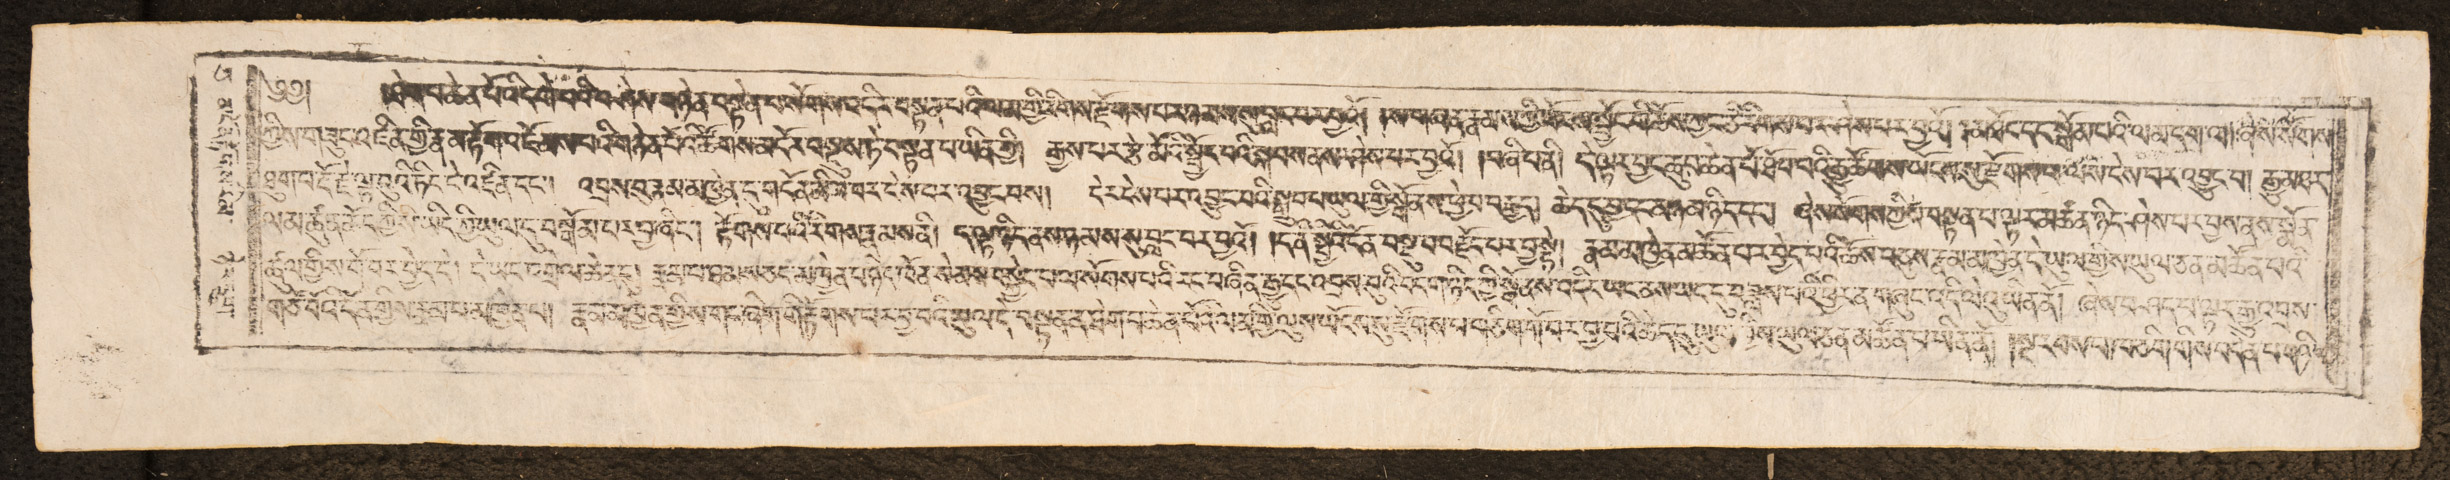༄༅། །ཐེག་པ་ཆེན་པོའི་དགེ་བའི་བཤེས་གཉེན་བསྟེན་པ་སོགས་འདིར་བསྟན་པའི་ལམ་གྱི་རིགས་རྫོགས་པར་ཉམས་སུ་བླང་བར་བྱའོ། །ས་གཞན་རྣམས་ཀྱི་ཡོངས་སྦྱོང་གི་ཆོས་ཀྱང་ཅི་རིགས་པར་ཤེས་པར་བྱའོ། །མཐོང་དང་སྒོམ་པའི་ལམ་དག་ལ། ཞེས་སོགས་
ཀྱིས་གཟུང་འཛིན་གྱི་རྣམ་རྟོག་འཇོམས་པའི་གཉེན་པོའི་ཚོགས་མདོར་བསྡུས་ཏེ་བསྟན་པ་ཡིན་གྱི། རྒྱས་པར་རྩེ་མོའི་སྦྱོར་བའི་སྐབས་ནས་ཤེས་པར་བྱའོ། །བཞི་པ་ནི། དེ་ལྟར་བྱང་ཆུབ་ཆེན་པོ་ཐོབ་པའི་རྒྱུ་ཚོགས་ཡོངས་སུ་རྫོགས་པ་ལས་ངེས་པར་འབྱུང་བ། རྒྱུ་མཐར་
ཐུག་པ་རྡོ་རྗེ་ལྟ་བུའི་ཏིང་ངེ་འཛིན་དང་། འབྲས་བུ་རྣམ་མཁྱེན་དུ་གདོན་མི་ཟ་བར་ངེས་པར་འབྱུང་བས། དེར་ངེས་པར་འབྱུང་བའི་སྒྲུབ་པ་ཡུལ་གྱི་སྒོ་ནས་ཕྱེ་བ་བརྒྱད། ཆེད་དུ་བྱ་དང་མཉམ་ཉིད་དང་། ཞེས་སོགས་ཀྱིས་བསྟན་པ་ལྟར་མཚན་ཉིད་ཤེས་པར་བྱས་ནས་སྨོན་
ལམ་ཚུན་ཆོད་ཀྱིས་ཡིད་གྱི་ཡུལ་དུ་བསྒོམ་པར་བྱ་ཞིང་། རྟོགས་པའི་རིགས་རྣམས་ནི། ད་ལྟ་ཉིད་ནས་ཉམས་སུ་བླང་བར་བྱའོ། །ད་ནི་སྤྱིའི་དོན་བསྡུ་བ་བརྗོད་པར་བྱ་སྟེ། རྣམ་མཁྱེན་མཚོན་པར་བྱེད་པའི་ཆོས་བཅུས་རྣམ་མཁྱེན་དེ་ཡུལ་གྱིས་ཡུལ་ཅན་མཚོན་པའི་
ཚུལ་གྱིས་གོ་བར་བྱེད་དེ། དེ་ཡང་འགྲེལ་ཆེན་དུ། རྣམ་པ་ཐམས་ཅད་མཁྱེན་པ་ཉིད་ཁོ་ན་སེམས་བསྐྱེད་པ་ལ་སོགས་པའི་རང་བཞིན་རྒྱུ་དང་འབྲས་བུའི་བདག་ཉིད་ཀྱི་སྒོ་ནས་འདིར་ཡང་ནས་ཡང་དུ་བཟླས་པའི་ཕྱིར་ན་གཞུང་འདི་ལེའུ་ཡིན་ནོ། ཞེས་བཤད་པ་ལྟར་རྒྱུ་འབྲས་
གཙོ་བོའི་དོན་གྱིས་རྣམ་པ་མཁྱེན་པ། རྣམ་མཁྱེན་གྱིས་གང་ཞིག་གི་རྟོགས་པར་བྱ་བའི་ཡུལ་དེ་བསྟན་ན་ཐེག་པ་ཆེན་པོའི་ལམ་གྱི་ལུས་ཡོངས་སུ་རྫོགས་པ་གཅིག་གོ་བར་བྱ་བའི་ཆེད་དུ་ཡུལ་གྱིས་ཡུལ་ཅན་མཚོན་པ་ཡིན་ནོ། །སྔ་རབས་པ་ཁ་ཅིག་གིས་བདེན་པ་གཉིས་